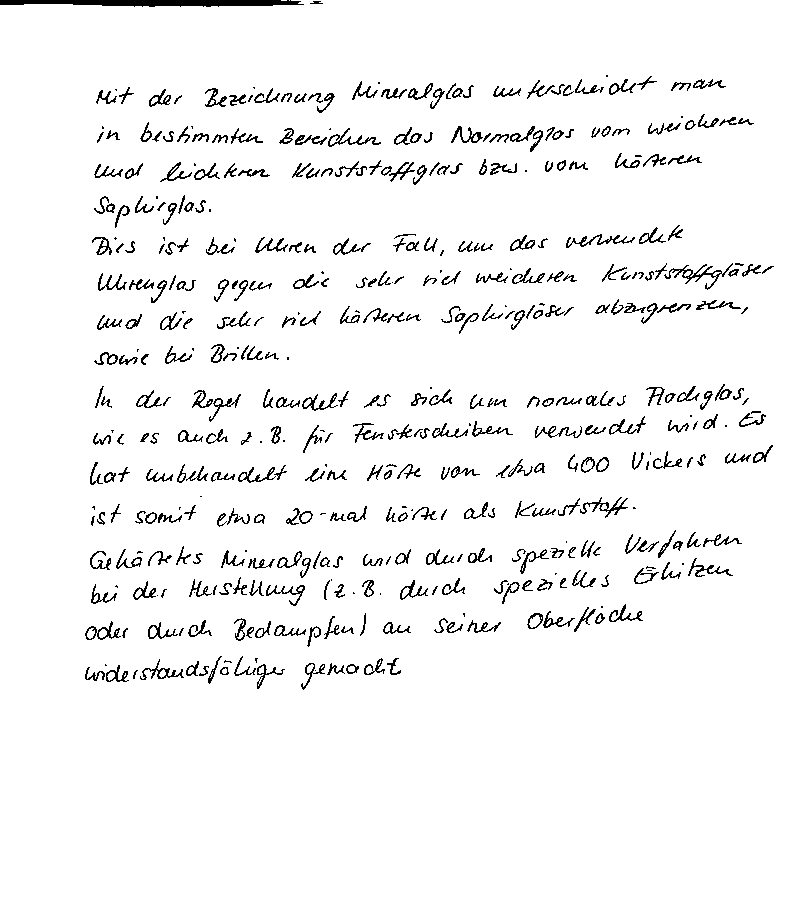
Mit der Bezeichnung Mineralglas unterscheidet man
in bestimmten Bereichen das Normalglas vom weicheren
und leichteren Kunststoffglas bzw. vom härteren
Saphirglas.
Dies ist bei Uhren der Fall, um das verwendete
Uhrenglas gegen die sehr viel weicheren Kunststoffgläser
und die sehr viel härteren Saphirgläser abzugrenzen,
sowie bei Brillen.
In der Regel handelt es sich um normales Flachglas,
wie es auch z. B. für Fensterscheiben verwendet wird. Es
hat Unbehandelt eine Härte von etwa 400 Vickers und
ist somit etwa 20-mal härter als Kunststoff.
Gehärtetes Mineralglas wird durch spezielle Verfahren
bei der Herstellung (z. B durch spezielles Erhitzen
oder durch Bedampfen) an seiner Oberfläche
widerstandsfähiger gemacht
